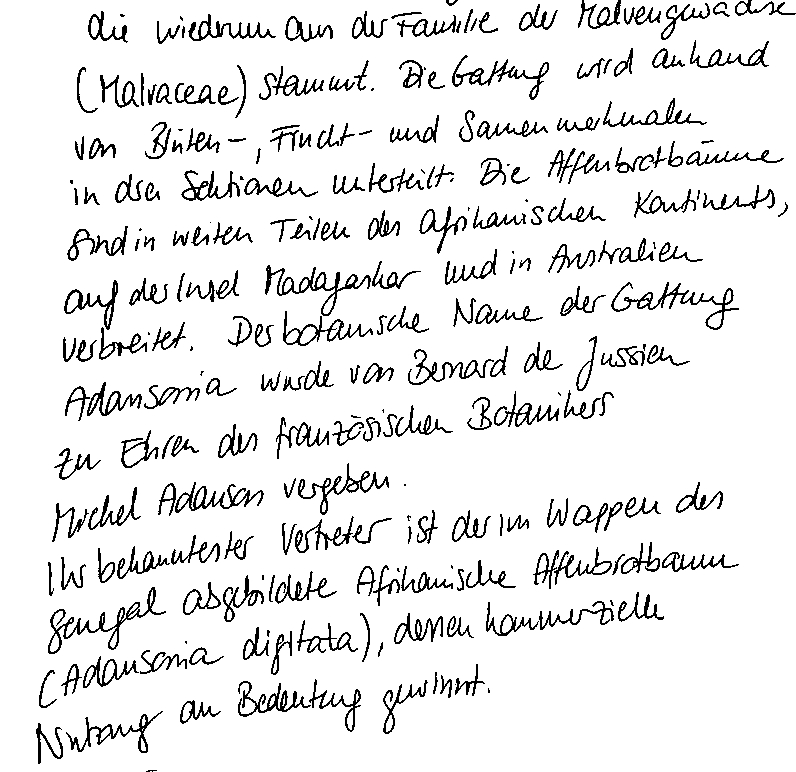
die wiederum aus der Familie der Malvengewächse
(Malvaceae) stammt. Die Gattung wird anhand
von Blüten-, Frucht- und Samenmerkmalen
in drei Sektionen unterteilt. Die Affenbrotbäume
sind in weiten Teilen des afrikanischen Kontinents,
auf der Insel Madagaskar und in Australien
verbreitet. Der botanische Name der Gattung
Adansonia wurde von Bernard de Jussieu
zu Ehren des französischen Botanikers
Michel Adanson vergeben.
Ihr bekanntester Vertreter ist der im Wappen des
Senegal abgebildete Afrikanische Affenbrotbaum
(Adansonia digitata), dessen kommerzielle
Nutzung an Bedeutung gewinnt.
